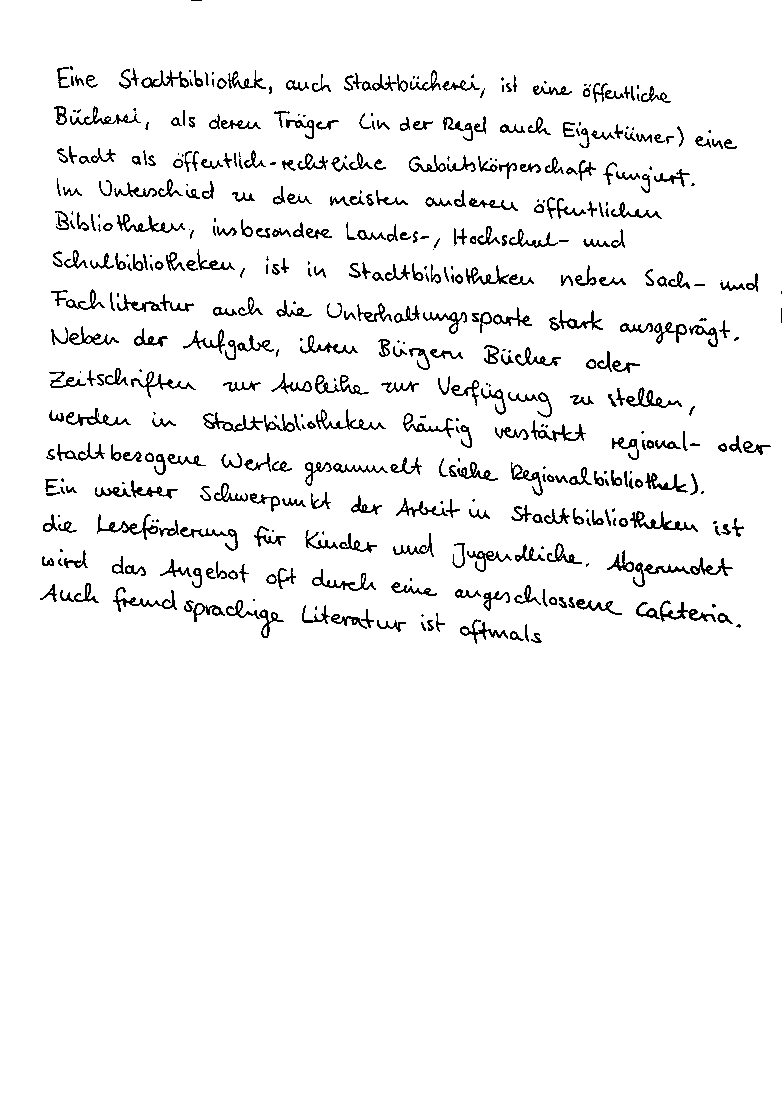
Eine Stadtbibliothek, auch Stadtbücherei, ist eine öffentliche
Bücherei, als deren Träger (in der Regel auch Eigentümer) eine
Stadt als öffentlich-rechtliche Gebietskörperschaft fungiert.
Im Unterschied zu den meisten anderen öffentlichen
Bibliotheken, insbesondere Landes-, Hochschul- und
Schulbibliotheken, ist in Stadtbibliotheken neben Sach- und
Fachliteratur auch die Unterhaltungssparte stark ausgeprägt.
Neben der Aufgabe, ihren Bürgern Bücher oder
Zeitschriften zur Ausleihe zur Verfügung zu stellen,
werden in Stadtbibliotheken häufig verstärkt regional- oder
stadtbezogene Werke gesammelt (siehe Regionalbibliothek).
Ein weiterer Schwerpunkt der Arbeit in Stadtbibliotheken ist
die Leseförderung für Kinder und Jugendliche. Abgerundet
wird das Angebot oft durch eine angeschlossene Cafeteria.
Auch fremdsprachige Literatur ist oftmals
